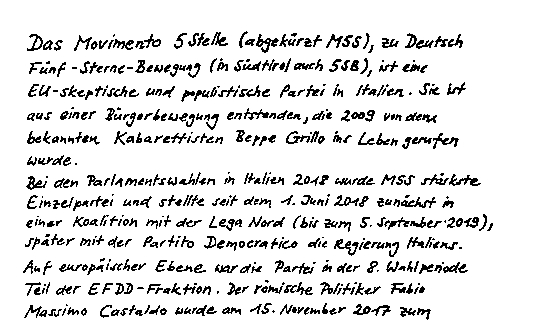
Das Movimento 5 Stelle (abgekürzt M5S), zu Deutsch
Fünf-Sterne-Bewegung (in Südtirol auch 5SB), ist eine
EU-skeptische und populistische Partei in Italien. Sie ist
aus einer Bürgerbewegung entstanden, die 2009 von dem
bekannten Kabarettisten Beppe Grillo ins Leben gerufen
wurde.
Bei den Parlamentswahlen in Italien 2018 wurde M5S stärkste
Einzelpartei und stellte seit dem 1. Juni 2018 zunächst in
einer Koalition mit der Lega Nord (bis zum 5. September 2019),
später mit der Partito Democratico die Regierung Italiens.
Auf europäischer Ebene war die Partei in der 8. Wahlperiode
Teil der EFDD-Fraktion. Der römische Politiker Fabio
Massimo Castaldo wurde am 15. November 2017 zum
